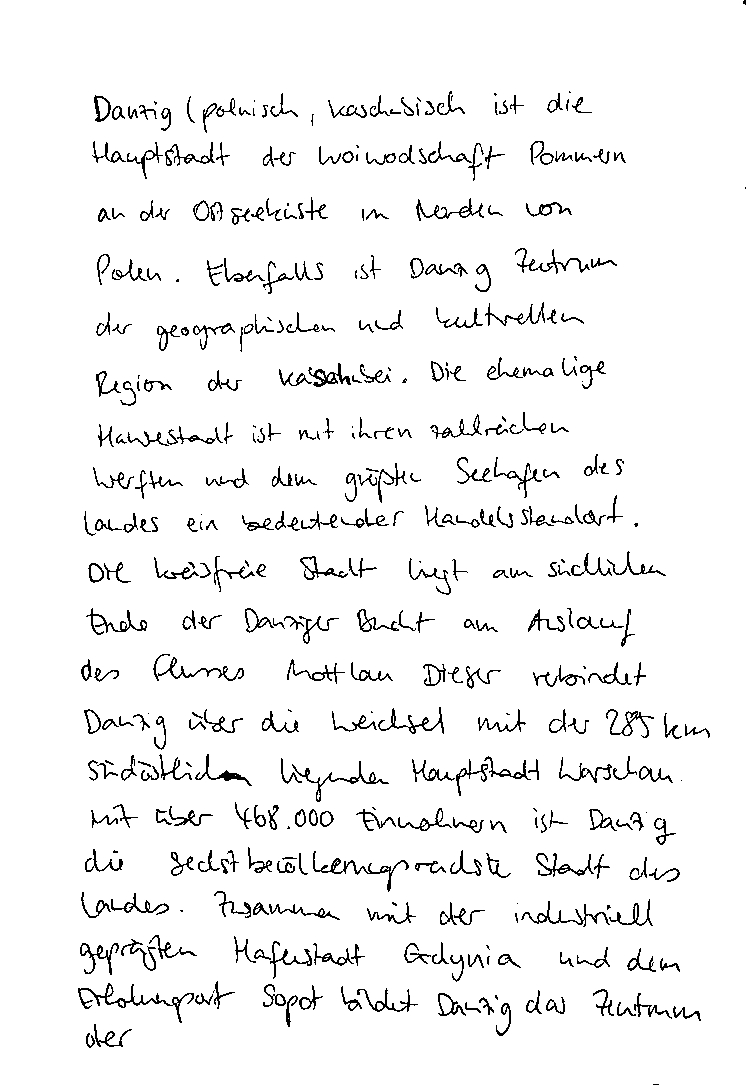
Danzig (polnisch, kaschubisch ist die
Hauptstadt der Woiwodschaft Pommern
an der Ostseeküste im Norden von
Polen. Ebenfalls ist Danzig Zentrum
der geographischen und kulturellen
Region der Kaschubei. Die ehemalige
Hansestadt ist mit ihren zahlreichen
Werften und dem größten Seehafen des
Landes ein bedeutender Handelsstandort.
Die kreisfreie Stadt liegt am südlichen
Ende der Danziger Bucht am Auslauf
des Flusses Mottlau Dieser verbindet
Danzig über die Weichel mit der 285 km
südöstlich liegenden Hauptstadt Warschau
Mit über 468.000 Einwohndern ist Danzig
die sechstbevölkerungsreichste Stadt des
Landes. Zusammen mit der industriell
geprägten Hafenstadt Gdynia und dem
Erholungsort Sopot bildet Danzig das Zentrum
der
